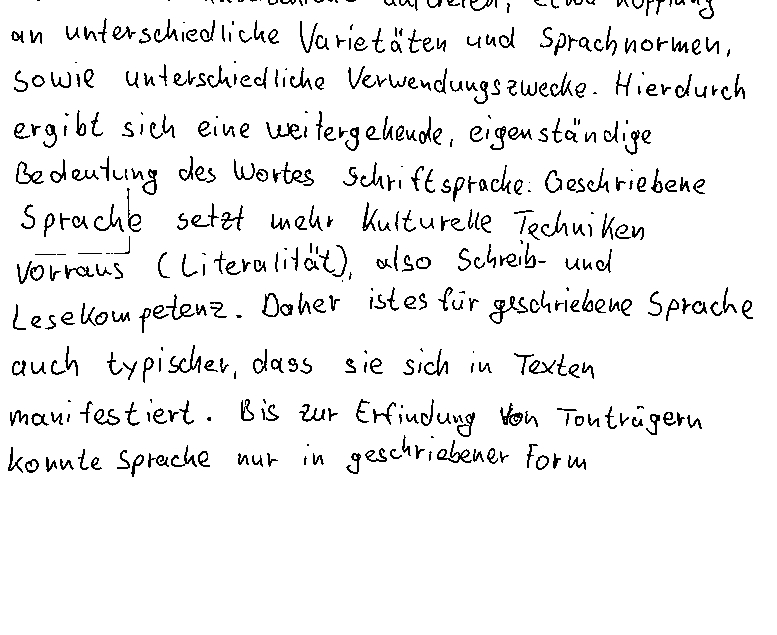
an unterschiedliche Varietäten und Sprachnormen,
sowie unterschiedliche Verwendungszwecke. Hierdurch
ergibt sich eine weitergehende, eigenständige
edeutung des Wortes Schriftsprache. Geschriebene
Sprache setzt mehr kulturelle Techniken
voraus (Literalität), also Schreib-und
Lesekompetenz. Daher ist es für geschriebene Sprache
auch typischer, dass sie sich in Texten
manifestiert. Bis zur Erfindung von Tonträgern
konnte Sprache nur in geschriebener Form
